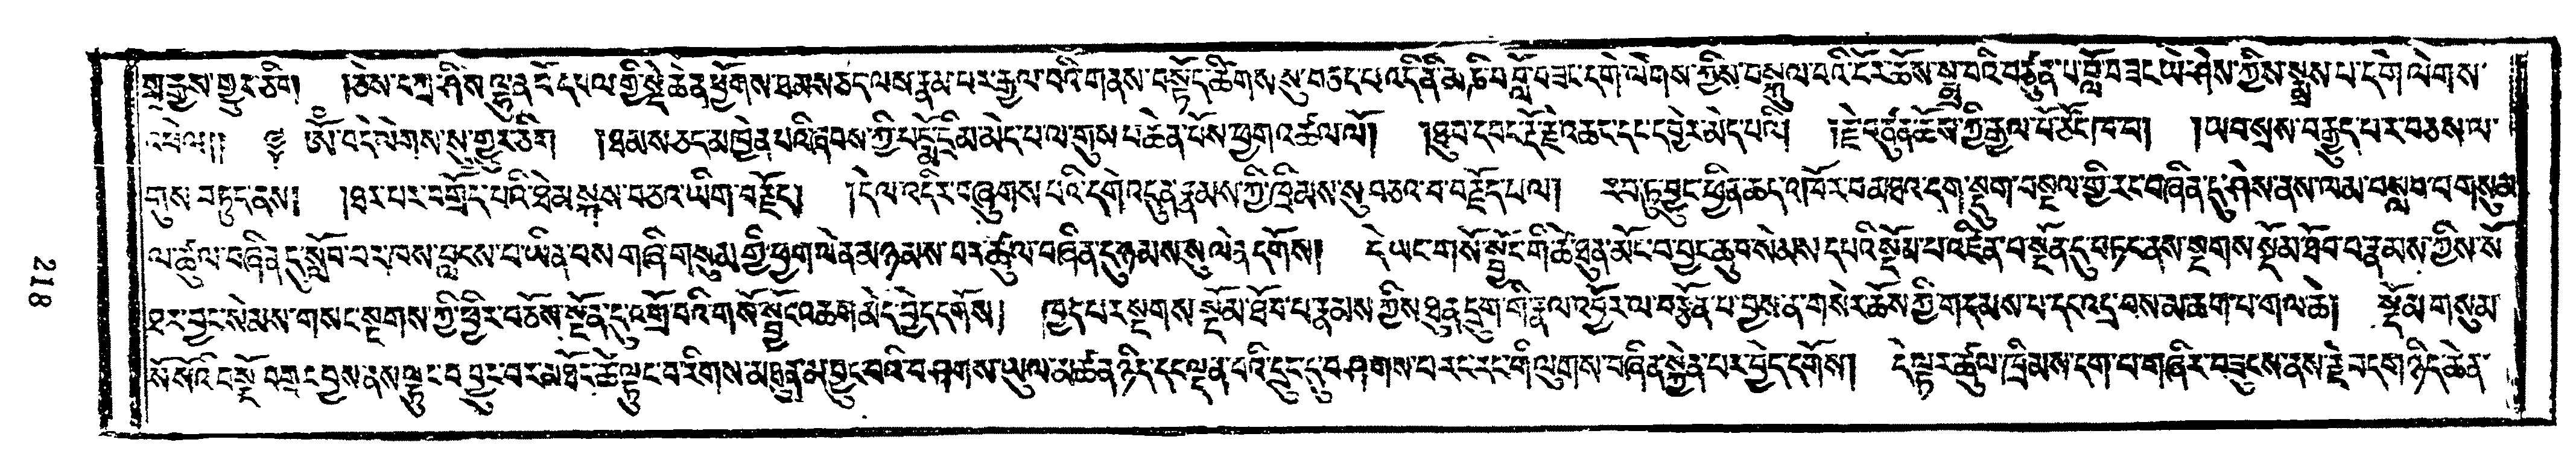གྲྭ་རྒྱས་གྱུར་ཅིག །ཅེས་བཀྲ་ཤིས་ལྷུན་བོ་དཔལ་གྱི་སྡེ་ཆེན་ཕྱོགས་ཐམས་ཅད་ལས་རྣམ་པར་རྒྱལ་བའི་གནས་བསྟོད་ཚིགས་སུ་བཅད་པ་འདི་ནི་མ་ཎི་བ་བློ་བཟང་དགེ་ལེགས་ཀྱིས་བསྐུལ་བའི་ངོར་ཆོས་སྨྲ་བའི་བཙུན་པ་བློ་བཟང་ཡེ་ཤེས་ཀྱིས་སྨྲས་པ་དགེ་ལེགས་
འཕེལ།། ༈ ཨོཾ་བདེ་ལེགས་སུ་གྱུར་ཅིག །ཐམས་ཅད་མཁྱེན་པའི་ཞབས་ཀྱི་པདམོ་དྲི་མ་མེད་པ་ལ་གུས་པ་ཆེན་པོས་ཕྱག་འཚལ་ལོ། །ཐུབ་དབང་རྡོ་རྗེ་འཆང་དང་དབྱེར་མེད་པའི། །རྗེ་བཙུན་ཆོས་ཀྱི་རྒྱལ་པོ་ཙོང་ཁ་པ། །ཡབ་སྲས་བརྒྱུད་པར་བཅས་ལ་
གུས་བཏུད་ནས། །ཐར་པར་བགྲོད་པའི་ཐེམ་སྐས་བཅའ་ཡིག་བརྗོད། །དེ་ལ་འདིར་བཞུགས་པའི་དགེ་འདུན་རྣམས་ཀྱི་ཁྲིམས་སུ་བཅའ་བ་བརྗོད་པ་ལ། རབ་ཏུ་བྱུང་ཕྱིན་ཆད་འཁོར་བ་མཐའ་དག་སྡུག་བསྔལ་གྱི་རང་བཞིན་དུ་ཤེས་ནས་ལམ་བསླབ་པ་གསུམ་
ལ་ཚུལ་བཞིན་དུ་སློབ་བར་ཁས་བླངས་པ་ཡིན་པས་གཞི་གསུམ་གྱིས་ཕྱག་ལེན་མཉམས་པར་ཚུལ་བཞིན་དུ་ཉམས་སུ་ལེན་དགོས། དེ་ཡང་གསོ་སྦྱོང་གི་ཚེ་ཐུན་མོང་བ་བྱང་ཆུབ་སེམས་དཔའི་སྡོམ་པ་འཛིན་པ་སྔོན་དུ་བཏང་ནས་སྔགས་སྡོམ་ཐོབ་པ་རྣམས་ཀྱིས་སོ་
ཐར་བྱང་སེམས་གསང་སྔགས་ཀྱི་ཕྱིར་བཅོས་སྔོན་དུ་འགྲོ་བའི་གསོ་སྦྱོང་འཆག་མེད་བྱེད་དགོས། ཁྱད་པར་སྔགས་སྡོམ་ཐོབ་པ་རྣམས་ཀྱིས་ཐུན་དྲུག་གི་རྣལ་འབྱོར་ལ་བརྩོན་པ་བྱས་ན་གསེར་ཆོས་ཀྱི་གདམས་པ་དང་འདྲ་བས་མ་ཆག་པ་གལ་ཆེ། སྡོམ་གསུམ་
སོ་སོའི་བསྔོ་བགྲང་བྱས་ནས་ལྟུང་བ་བྱུང་བར་མཐོང་ཚེ་ལྟུང་བ་རིགས་མཐུན་མ་བྱུང་བའི་བཤགས་ཡུལ་མཚན་ཉིད་དང་ལྡན་པའི་དྲུང་དུ་བཤགས་པ་རང་རང་གི་ལུགས་བཞིན་སྐྱེན་པར་བྱེད་དགོས། །དེ་ལྟར་ཚུལ་ཁྲིམས་དག་པ་གཞིར་བཟུངས་ནས་རྗེ་བདག་ཉིད་ཆེན་